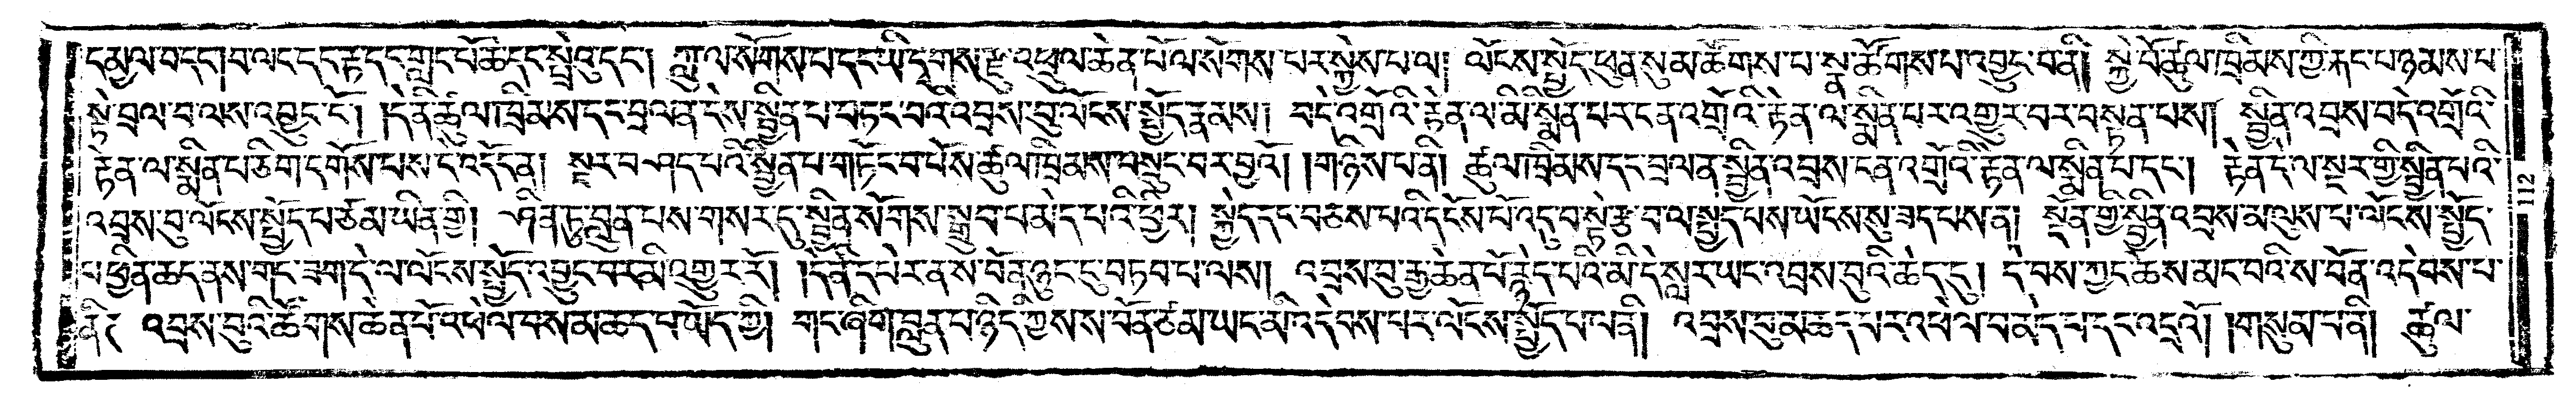དམྱལ་བ་དང་། བ་ལང་དང་རྟ་དང་གླང་པོ་ཆེ་དང་སྤྲེའུ་དང་། ཀླུ་ལ་སོགས་པ་དང་ཡི་དྭགས་རྫུ་འཕྲུལ་ཆེན་པོ་ལ་སོགས་པར་སྐྱེས་པ་ལ། ལོངས་སྤྱོད་ཕུན་སུམ་ཚོགས་པ་སྣ་ཚོགས་པ་འབྱུང་བ་ནི། སྐྱེ་བོ་ཚུལ་ཁྲིམས་ཀྱི་རྐང་པ་ཉམས་པ་
སྟེ་བྲལ་བ་ལས་འབྱུང་ངོ། །དེ་ནི་ཚུལ་ཁྲིམས་དང་བྲལ་ན་དེས་སྦྱིན་པ་བཏང་བའི་འབྲས་བུ་ལོངས་སྤྱོད་རྣམས། བདེ་འགྲོའི་རྟེན་ལ་མི་སྨིན་པར་ངན་འགྲོའི་རྟེན་ལ་སྨིན་པར་འགྱུར་བར་བསྟན་པས། སྦྱིན་འབྲས་བདེ་འགྲོའི་
རྟེན་ལ་སྨིན་པ་ཅིག་དགོས་པས་དེ་འདོད་ན། སྔར་བཤད་པའི་སྦྱིན་པ་གཏོང་བ་པོས་ཚུལ་ཁྲིམས་བསྲུང་བར་བྱའོ། །གཉིས་པ་ནི། ཚུལ་ཁྲིམས་དང་བྲལ་ན་སྦྱིན་འབྲས་ངན་འགྲོའི་རྟེན་ལ་སྨིན་པ་དང་། རྟེན་དེ་ལ་སྔར་གྱི་སྦྱིན་པའི་
འབྲས་བུ་ལོངས་སྤྱོད་པ་ཙམ་ཡིན་གྱི། ཤིན་ཏུ་བླུན་པས་གསར་དུ་སྦྱིན་སོགས་སྒྲུབ་པ་མེད་པའི་ཕྱིར། སྐྱེད་དང་བཅས་པའི་དངོས་པོ་འདུ་བ་སྟེ་རྩ་བ་ལ་སྤྱད་པས་ཡོངས་སུ་ཟད་པས་ན། སྔོན་གྱི་སྦྱིན་འབྲས་མ་ལུས་པ་ལོངས་སྤྱོད་
པ་ཕྱིན་ཆད་ནས་གང་ཟག་དེ་ལ་ལོངས་སྤྱོད་འབྱུང་བར་མི་འགྱུར་རོ། །དེ་ནི་དཔེར་ན་ས་བོན་ཉུང་དུ་བཏབ་པ་ལས། འབྲས་བུ་རྒྱ་ཆེན་པོ་རྙེད་པའི་མི་དེ་སླར་ཡང་འབྲས་བུའི་ཆེད་དུ། དེ་བས་ཀྱང་ཆེས་མང་བའི་ས་བོན་འདེབས་པ་
ནི༑ འབྲས་བུའི་ཚོགས་ཆེན་པོ་འཕེལ་བས་མ་ཆད་པ་ཡོད་ཀྱི། གང་ཞིག་བླུན་པོ་ཉིད་ཀྱིས་ས་བོན་ཙམ་ཡང་མི་འདེབས་པར་ལོངས་སྤྱོད་པ་ལ་ནི། འབྲས་བུ་མ་ཆད་པར་འཕེལ་བ་མེད་པ་དང་འདྲའོ། །གསུམ་པ་ནི། ཚུལ་